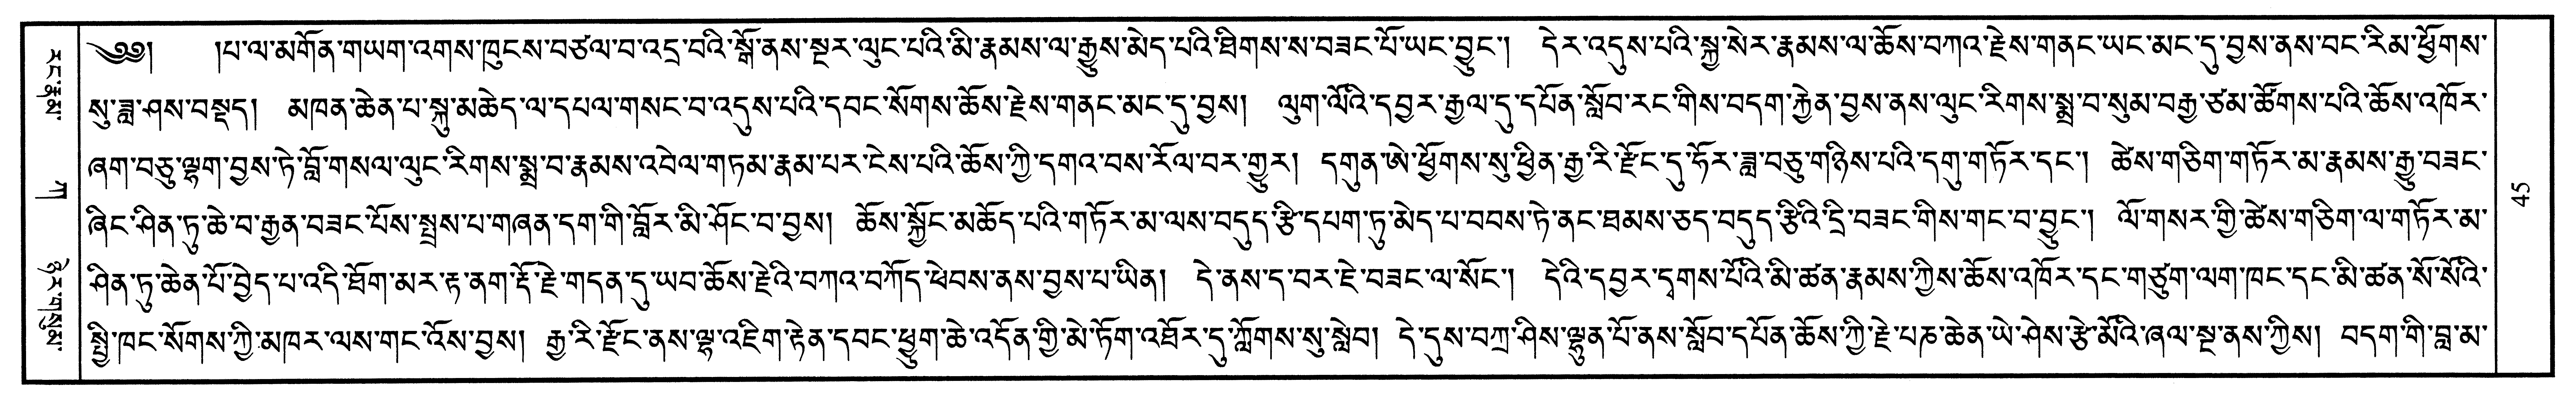༄༅། །པ་ལ་མགོན་གཡག་འགས་ཁུངས་བཙལ་བ་འདྲ་བའི་སྒོ་ནས་སྔར་ལུང་པའི་མི་རྣམས་ལ་རྒྱུས་མེད་པའི་ཐིགས་ས་བཟང་པོ་ཡང་བྱུང་། དེར་འདུས་པའི་སྐྱ་སེར་རྣམས་ལ་ཆོས་བཀའ་རྗེས་གནང་ཡང་མང་དུ་བྱས་ནས་བང་རིམ་ཕྱོགས་
སུ་ཟླ་ཤས་བསྡད། མཁན་ཆེན་པ་སྐུ་མཆེད་ལ་དཔལ་གསང་བ་འདུས་པའི་དབང་སོགས་ཆོས་རྗེས་གནང་མང་དུ་བྱས། ལུག་ལོའི་དབྱར་རྒྱལ་དུ་དཔོན་སློབ་རང་གིས་བདག་རྐྱེན་བྱས་ནས་ལུང་རིགས་སྨྲ་བ་སུམ་བརྒྱ་ཙམ་ཚོགས་པའི་ཆོས་འཁོར་
ཞག་བཅུ་ལྷག་བྱས་ཏེ་བློ་གསལ་ལུང་རིགས་སྨྲ་བ་རྣམས་འབེལ་གཏམ་རྣམ་པར་ངེས་པའི་ཆོས་ཀྱི་དགའ་བས་རོལ་བར་གྱུར། དགུན་ཨེ་ཕྱོགས་སུ་ཕྱིན་རྒྱ་རི་རྫོང་དུ་ཧོར་ཟླ་བཅུ་གཉིས་པའི་དགུ་གཏོར་དང་། ཚེས་གཅིག་གཏོར་མ་རྣམས་རྒྱུ་བཟང་
ཞིང་ཤིན་ཏུ་ཆེ་བ་རྒྱན་བཟང་པོས་སྤྲས་པ་གཞན་དག་གི་བློར་མི་ཤོང་བ་བྱས། ཆོས་སྐྱོང་མཆོད་པའི་གཏོར་མ་ལས་བདུད་རྩི་དཔག་ཏུ་མེད་པ་བབས་ཏེ་ནང་ཐམས་ཅད་བདུད་རྩིའི་དྲི་བཟང་གིས་གང་བ་བྱུང་། ལོ་གསར་གྱི་ཚེས་གཅིག་ལ་གཏོར་མ་
ཤིན་ཏུ་ཆེན་པོ་བྱེད་པ་འདི་ཐོག་མར་རྟ་ནག་རྡོ་རྗེ་གདན་དུ་ཡབ་ཆོས་རྗེའི་བཀའ་བཀོད་ཕེབས་ནས་བྱས་པ་ཡིན། དེ་ནས་ད་བར་ཇེ་བཟང་ལ་སོང་། དེའི་དབྱར་དྭགས་པོའི་མི་ཚན་རྣམས་ཀྱིས་ཆོས་འཁོར་དང་གཙུག་ལག་ཁང་དང་མི་ཚན་སོ་སོའི་
སྤྱི་ཁང་སོགས་ཀྱི་མཁར་ལས་གང་འོས་བྱས། རྒྱ་རི་རྫོང་ནས་ལྷ་འཇིག་རྟེན་དབང་ཕྱུག་ཆེ་འདོན་གྱི་མེ་ཏོག་འཐོར་དུ་ཀློགས་སུ་སླེབ། དེ་དུས་བཀྲ་ཤིས་ལྷུན་པོ་ནས་སློབ་དཔོན་ཆོས་ཀྱི་རྗེ་པཎ་ཆེན་ཡེ་ཤེས་རྩེ་མོའི་ཞལ་སྔ་ནས་ཀྱིས། བདག་གི་བླ་མ་